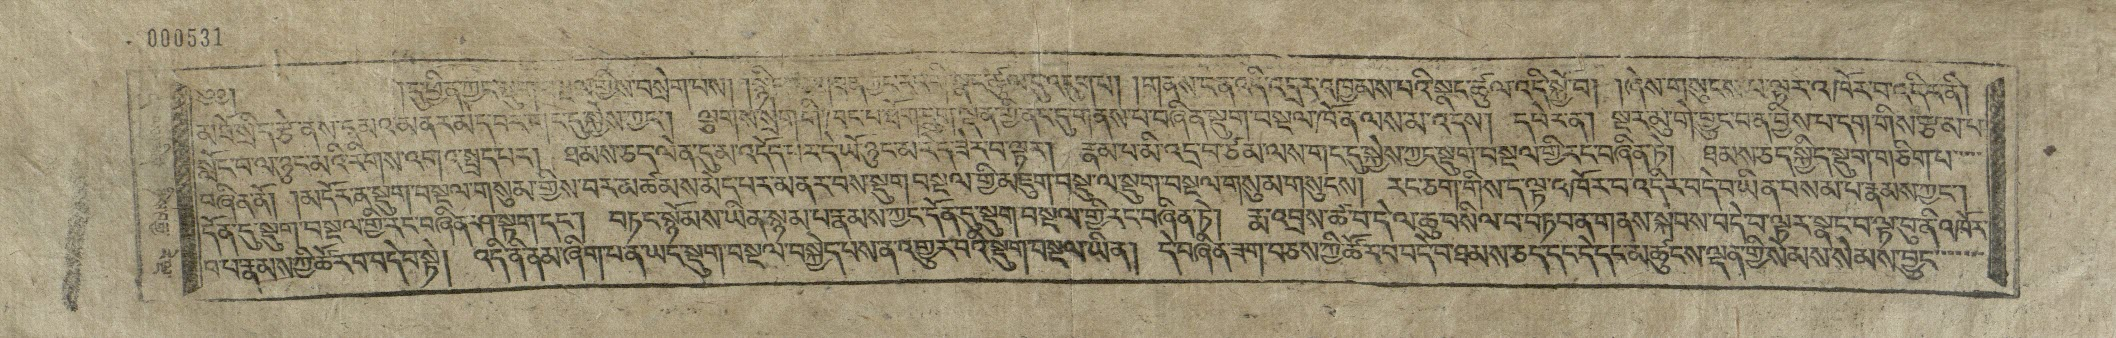༄༅། །དུ་ཕྱིན་ཀྱང་སྡུག་བསྔལ་གྱིས་བསྲེག་པས། །སྙིང་ལ་གཟན་ཀྱང་རང་གི་སྣང་ཚུལ་དུ་འདུག་པ། །གནས་ངན་འདི་འདྲར་འཁྱམས་པའི་སྣང་ཚུལ་འདི་སྐྱོ་བ། །ཞེས་གསུངས་པ་ལྟར་འཁོར་བ་འདིར་ནི།
མཐོ་སྲིད་རྩེ་ནས་དམའ་མནར་མེད་པར་གང་དུ་སྐྱེས་ཀྱང་། ལྕགས་སྲེག་གི་ཁང་པ་ཐོག་དྲུག་ལྡན་གྱི་ནང་དུ་གནས་པ་བཞིན་སྡུག་བསྔལ་ཁོ་ན་ལས་མ་འདས། དཔེར་ན། སྔར་མུ་གེ་བྱུང་བ་ན་བྱིས་པ་དག་གིས་རྩམ་པ་
སློང་བ་ལ་ཉུང་མའི་རིགས་འགའ་སྤྲད་པར། ཐམས་ཅད་ལེན་དུ་མ་འདོད་པར་དེ་ཡོ་ཉུང་མ་རེད་ཟེར་བ་ལྟར། རྣམ་པ་མི་འདྲ་བ་ཙམ་ལས་གང་དུ་སྐྱེས་ཀྱང་སྡུག་བསྔལ་གྱི་རང་བཞིན་ཏེ། ཐམས་ཅད་སྐྱིད་སྡུག་གཅིག་པ་
བཞིན་ནོ། །མདོར་ན་སྡུག་བསྔལ་གསུམ་གྱིས་བར་མཚམས་མེད་པར་མནར་བས་སྡུག་བསྔལ་གྱི་མཇུག་བསྡུ་ལ་སྡུག་བསྔལ་གསུམ་གསུངས། རང་ཅག་གིས་ད་ལྟ་འཁོར་བ་འདིར་བདེ་བ་ཡིན་བསམ་པ་རྣམས་ཀྱང་།
དོན་དུ་སྡུག་བསྔལ་གྱི་རང་བཞིན་ཤ་སྟག་དང་། བཏང་སྙོམས་ཡིན་སྙམ་པ་རྣམས་ཀྱང་དོན་དུ་སྡུག་བསྔལ་གྱི་རང་བཞིན་ཏེ། རྨ་འབྲས་ཚ་བ་དེ་ལ་ཆུ་བསིལ་བ་བཏབ་ན་གནས་སྐབས་བདེ་བ་ལྟར་སྣང་བ་ལྟ་བུ་ནི་འཁོར་
བ་པ་རྣམས་ཀྱི་ཚོར་བ་བདེ་བ་སྟེ། འདི་ནི་ནམ་ཞིག་པ་ན་ཡང་སྡུག་བསྔལ་བསྐྱེད་པས་ན་འགྱུར་བའི་སྡུག་བསྔལ་ཡིན། དེ་བཞིན་ཟག་བཅས་ཀྱི་ཚོར་བ་བདེ་བ་ཐམས་ཅད་དང་དེ་དང་མཚུངས་ལྡན་གྱི་སེམས་སེམས་བྱུང་